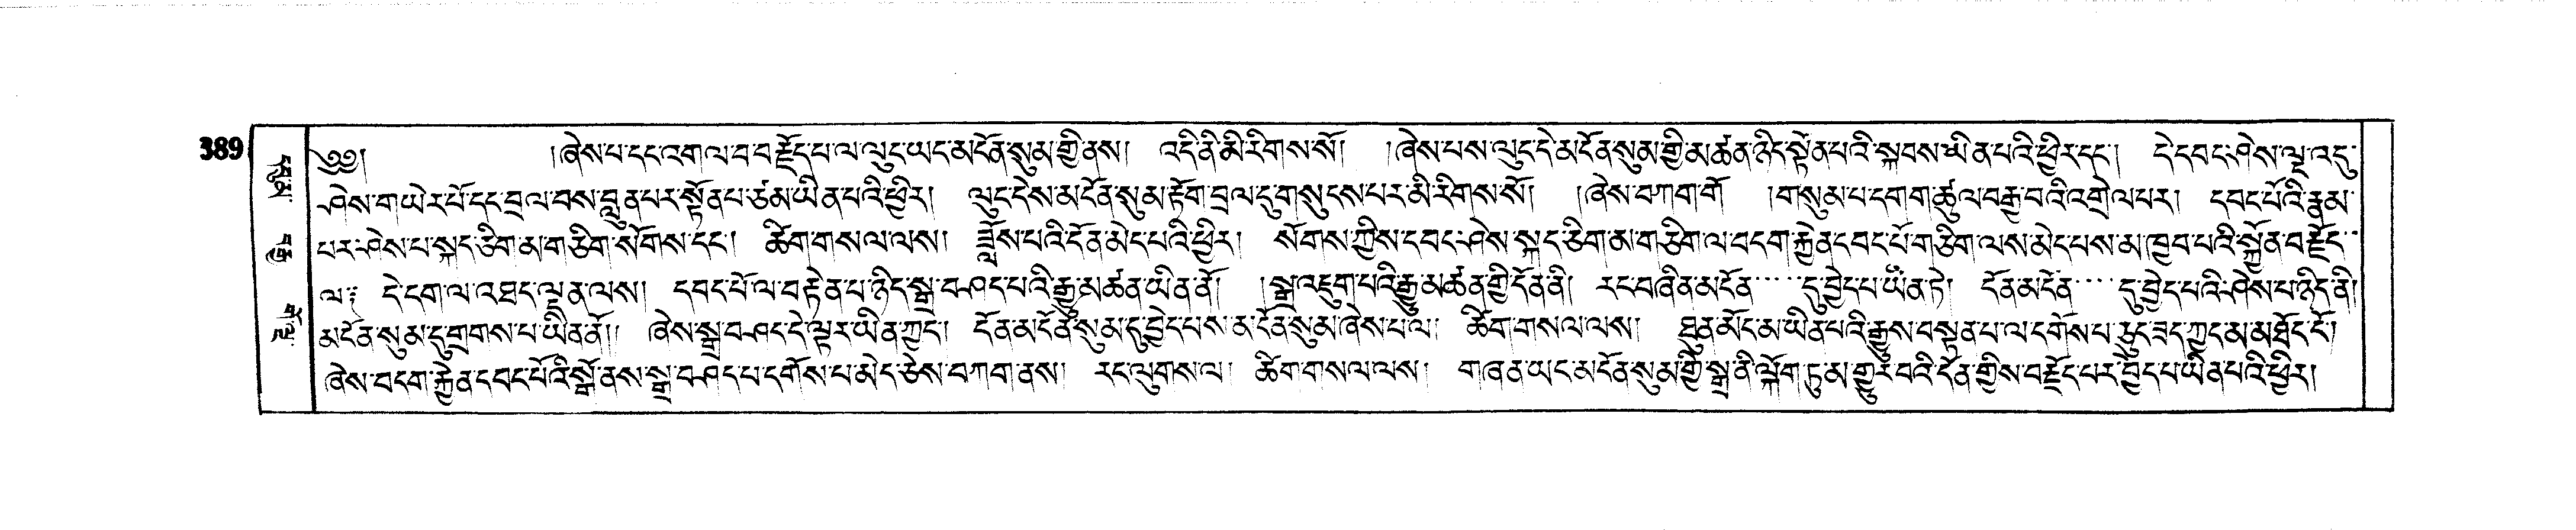༄༅། །ཞེས་པ་དང་འགལ་བ་བརྗོད་པ་ལ་ལུང་ཡང་མངོན་སུམ་གྱི་ནས། འདི་ནི་མི་རིགས་སོ། །ཞེས་པས་ལུང་དེ་མངོན་སུམ་གྱི་མཚན་ཉིད་སྟོན་པའི་སྐབས་མིན་པའི་ཕྱིར་དང་། དེ་དབང་ཤེས་ལྔ་འདུ་
ཤེས་གཡེར་པོ་དང་བྲལ་བས་བླུན་པར་སྟོན་པ་ཙམ་ཡིན་པའི་ཕྱིར། ལུང་དེས་མངོན་སུམ་རྟོག་བྲལ་དུ་གསུངས་པར་མི་རིགས་སོ། །ཞེས་བཀག་གོ །གསུམ་པ་དགག་ཚུལ་བརྒྱ་བའི་འགྲེལ་པར། དབང་པོའི་རྣམ་
པར་ཤེས་པ་སྐད་ཅིག་མ་གཅིག་སོགས་དང་། ཚིག་གསལ་ལས། ཟློས་པའི་དོན་མེད་པའི་ཕྱིར། སོགས་ཀྱིས་དབང་ཤེས་སྐད་ཅིག་མ་གཅིག་ལ་བདག་རྐྱེན་དབང་པོ་གཅིག་ལས་མེད་པས་མ་ཁྱབ་པའི་སྐྱོན་བརྗོད་
ལ༑ དེ་དག་ལ་འཐད་ལྡན་ལས། དབང་པོ་ལ་བརྟེན་པ་ཉིད་སྒྲ་བཤད་པའི་རྒྱུ་མཚན་ཡིན་ནོ། །སྒྲ་འཇུག་པའི་རྒྱུ་མཚན་གྱི་དོན་ནི། རང་བཞིན་མངོན་དུ་བྱེད་པ་ཡིན་ཏེ། དོན་མངོན་དུ་བྱེད་པའི་ཤེས་པ་ཉིད་ནི།
མངོན་སུམ་དུ་གྲགས་པ་ཡིན་ནོ། །ཞེས་སྒྲ་བཤད་དེ་ལྟར་ཡིན་ཀྱང་། དོན་མངོན་སུམ་དུ་བྱེད་པས་མངོན་སུམ་ཞེས་པ་ལ། ཚིག་གསལ་ལས། ཐུན་མོང་མ་ཡིན་པའི་རྒྱུས་བསྟན་པ་ལ་དགོས་པ་ཅུང་ཟད་ཀྱང་མ་མཐོང་ངོ།
ཞེས་བདག་རྐྱེན་དབང་པོའི་སྒོ་ནས་སྒྲ་བཤད་པ་དགོས་པ་མེད་ཅེས་བཀག་ནས། རང་ལུགས་ལ། ཚིག་གསལ་ལས། གཞན་ཡང་མངོན་སུམ་གྱི་སྒྲ་ནི་ལྐོག་ཏུ་མ་གྱུར་བའི་དོན་གྱིས་བརྗོད་པར་བྱེད་པ་ཡིན་པའི་ཕྱིར།